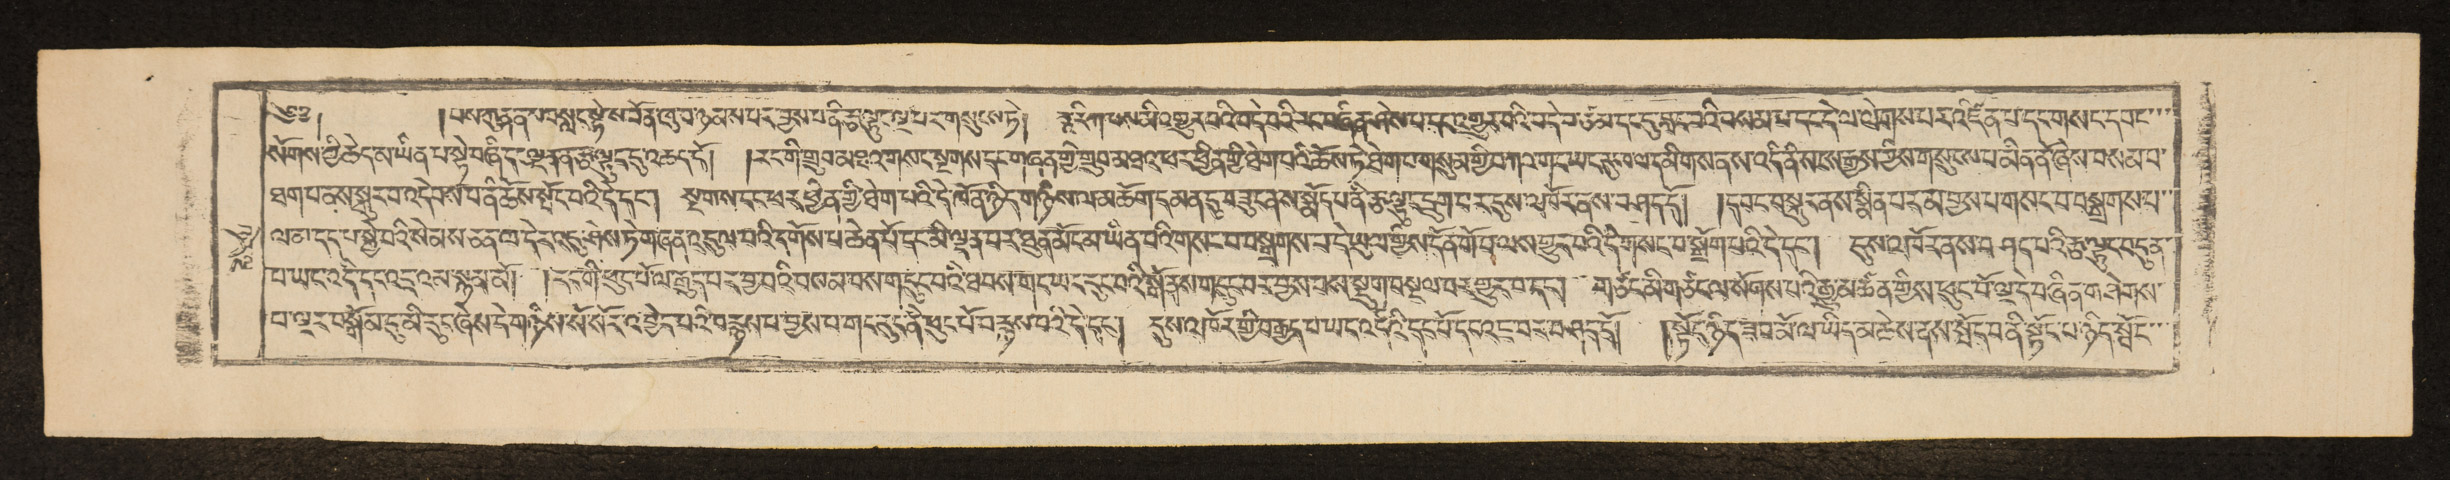༄༅། །པས་ཀུན་ནས་བསླང་སྟེ་ས་བོན་ཁུ་བ་ཉམས་པར་བྱས་པ་ནི་རྩ་ལྟུང་ལྔ་པར་གསུངས་ཏེ། ཊཱ་རིཀ་པས་མི་འགྱུར་བའི་བདེ་བའི་རང་བཞིན་ཤེས་པ་དང་འགྱུར་བའི་བདེ་བ་ཙམ་དང་དུ་བླང་བའི་བསམ་པ་དང་དེ་ལ་ལེགས་པར་འཛིན་པ་དང་གསང་དབང་
སོགས་ཀྱི་ཆེད་མ་ཡིན་པ་སྟེ་བཞི་དང་ལྡན་ན་རྩ་ལྟུང་དུ་འཆད་དོ། །རང་གི་འགྲུབ་མཐའ་གསང་སྔགས་དང་གཞན་གྱི་གྲུབ་མཐའ་ཕར་ཕྱིན་གྱི་ཐེག་པའི་ཆོས་ཏེ་ཐེག་པ་གསུམ་གྱི་བཀའ་གང་ཡང་རུང་བ་ལ་དམིགས་ནས་འདི་ནི་སངས་རྒྱས་ཀྱིས་གསུངས་པ་མིན་ནོ་ཞེས་བསམ་པ་
ཐག་པ་ནས་སྐུར་བ་འདེབས་པ་ནི་ཆོས་སྤོང་བའི་དེ་དང་། སྔགས་དང་ཕར་ཕྱིན་གྱི་ཐེག་པའི་དེ་ཁོ་ན་ཉིད་གཉིས་ལ་མཆོག་དམན་དུ་བཟུང་ནས་སྨོད་པ་ནི་རྩ་ལྟུང་དྲུག་པར་དུས་འཁོར་ནས་བཤད་དོ། །དབང་བསྐུར་ནས་སྨིན་པར་མ་བྱས་པ་གསང་བ་བསྒྲགས་པ་
ལམ་དད་པ་སྐྱེ་བའི་སེམས་ཅན་ལ་དེར་འདུ་ཤེས་ཏེ་གཞན་འདུལ་བའི་དགོས་པ་ཆེན་པོ་དང་མི་ལྡན་པར་ཐུན་མོང་མ་ཡིན་པའི་གསང་བ་བསྒྲགས་པ་དེ་ཡུལ་གྱིས་དོན་གོ་བ་ལས་གྱུར་བའི་དེ་གསང་བ་སྒྲོག་པའི་དེ་དང་། དུས་འཁོར་ནས་བཤད་པའི་རྩ་ལྟུང་བདུན་
བ་ཡང་འདི་དང་འདྲ་འམ་སྙམ་མོ། །རང་གི་ཕུང་པོ་ལ་རྒུད་པར་བྱ་བའི་བསམ་པས་གདུང་བའི་ཐབས་གང་ཡང་རུང་བའི་སྒོ་ནས་གདུང་བར་བྱས་པས་སྡུག་བསྔལ་བར་གྱུར་བ་དང་། གཙང་མི་གཙང་ལ་སོགས་པའི་རྒྱུ་མཚན་གྱིས་ཕུང་པོ་ལྔ་དེ་བཞིན་གཤེགས་
བ་ལྔར་བསྒོམ་དུ་མི་རུང་ཞེས་དེ་གཉིས་སོ་སོར་འབྱེད་པའི་བརྙས་པ་བྱས་པ་གང་རུང་ནི་ཕུང་པོ་བརྙས་པའི་དེ་དང་། དུས་འཁོར་གྱི་བརྒྱད་པ་ཡང་འདིའི་དང་པོ་དང་འདྲ་བར་བཤད་དོ། །སྟོང་ཉིད་ཟབ་མོ་ལ་ཡིད་མཆེས་ནས་སྤོད་བ་ནི་སྟོང་པ་ཉིད་སྤོང་